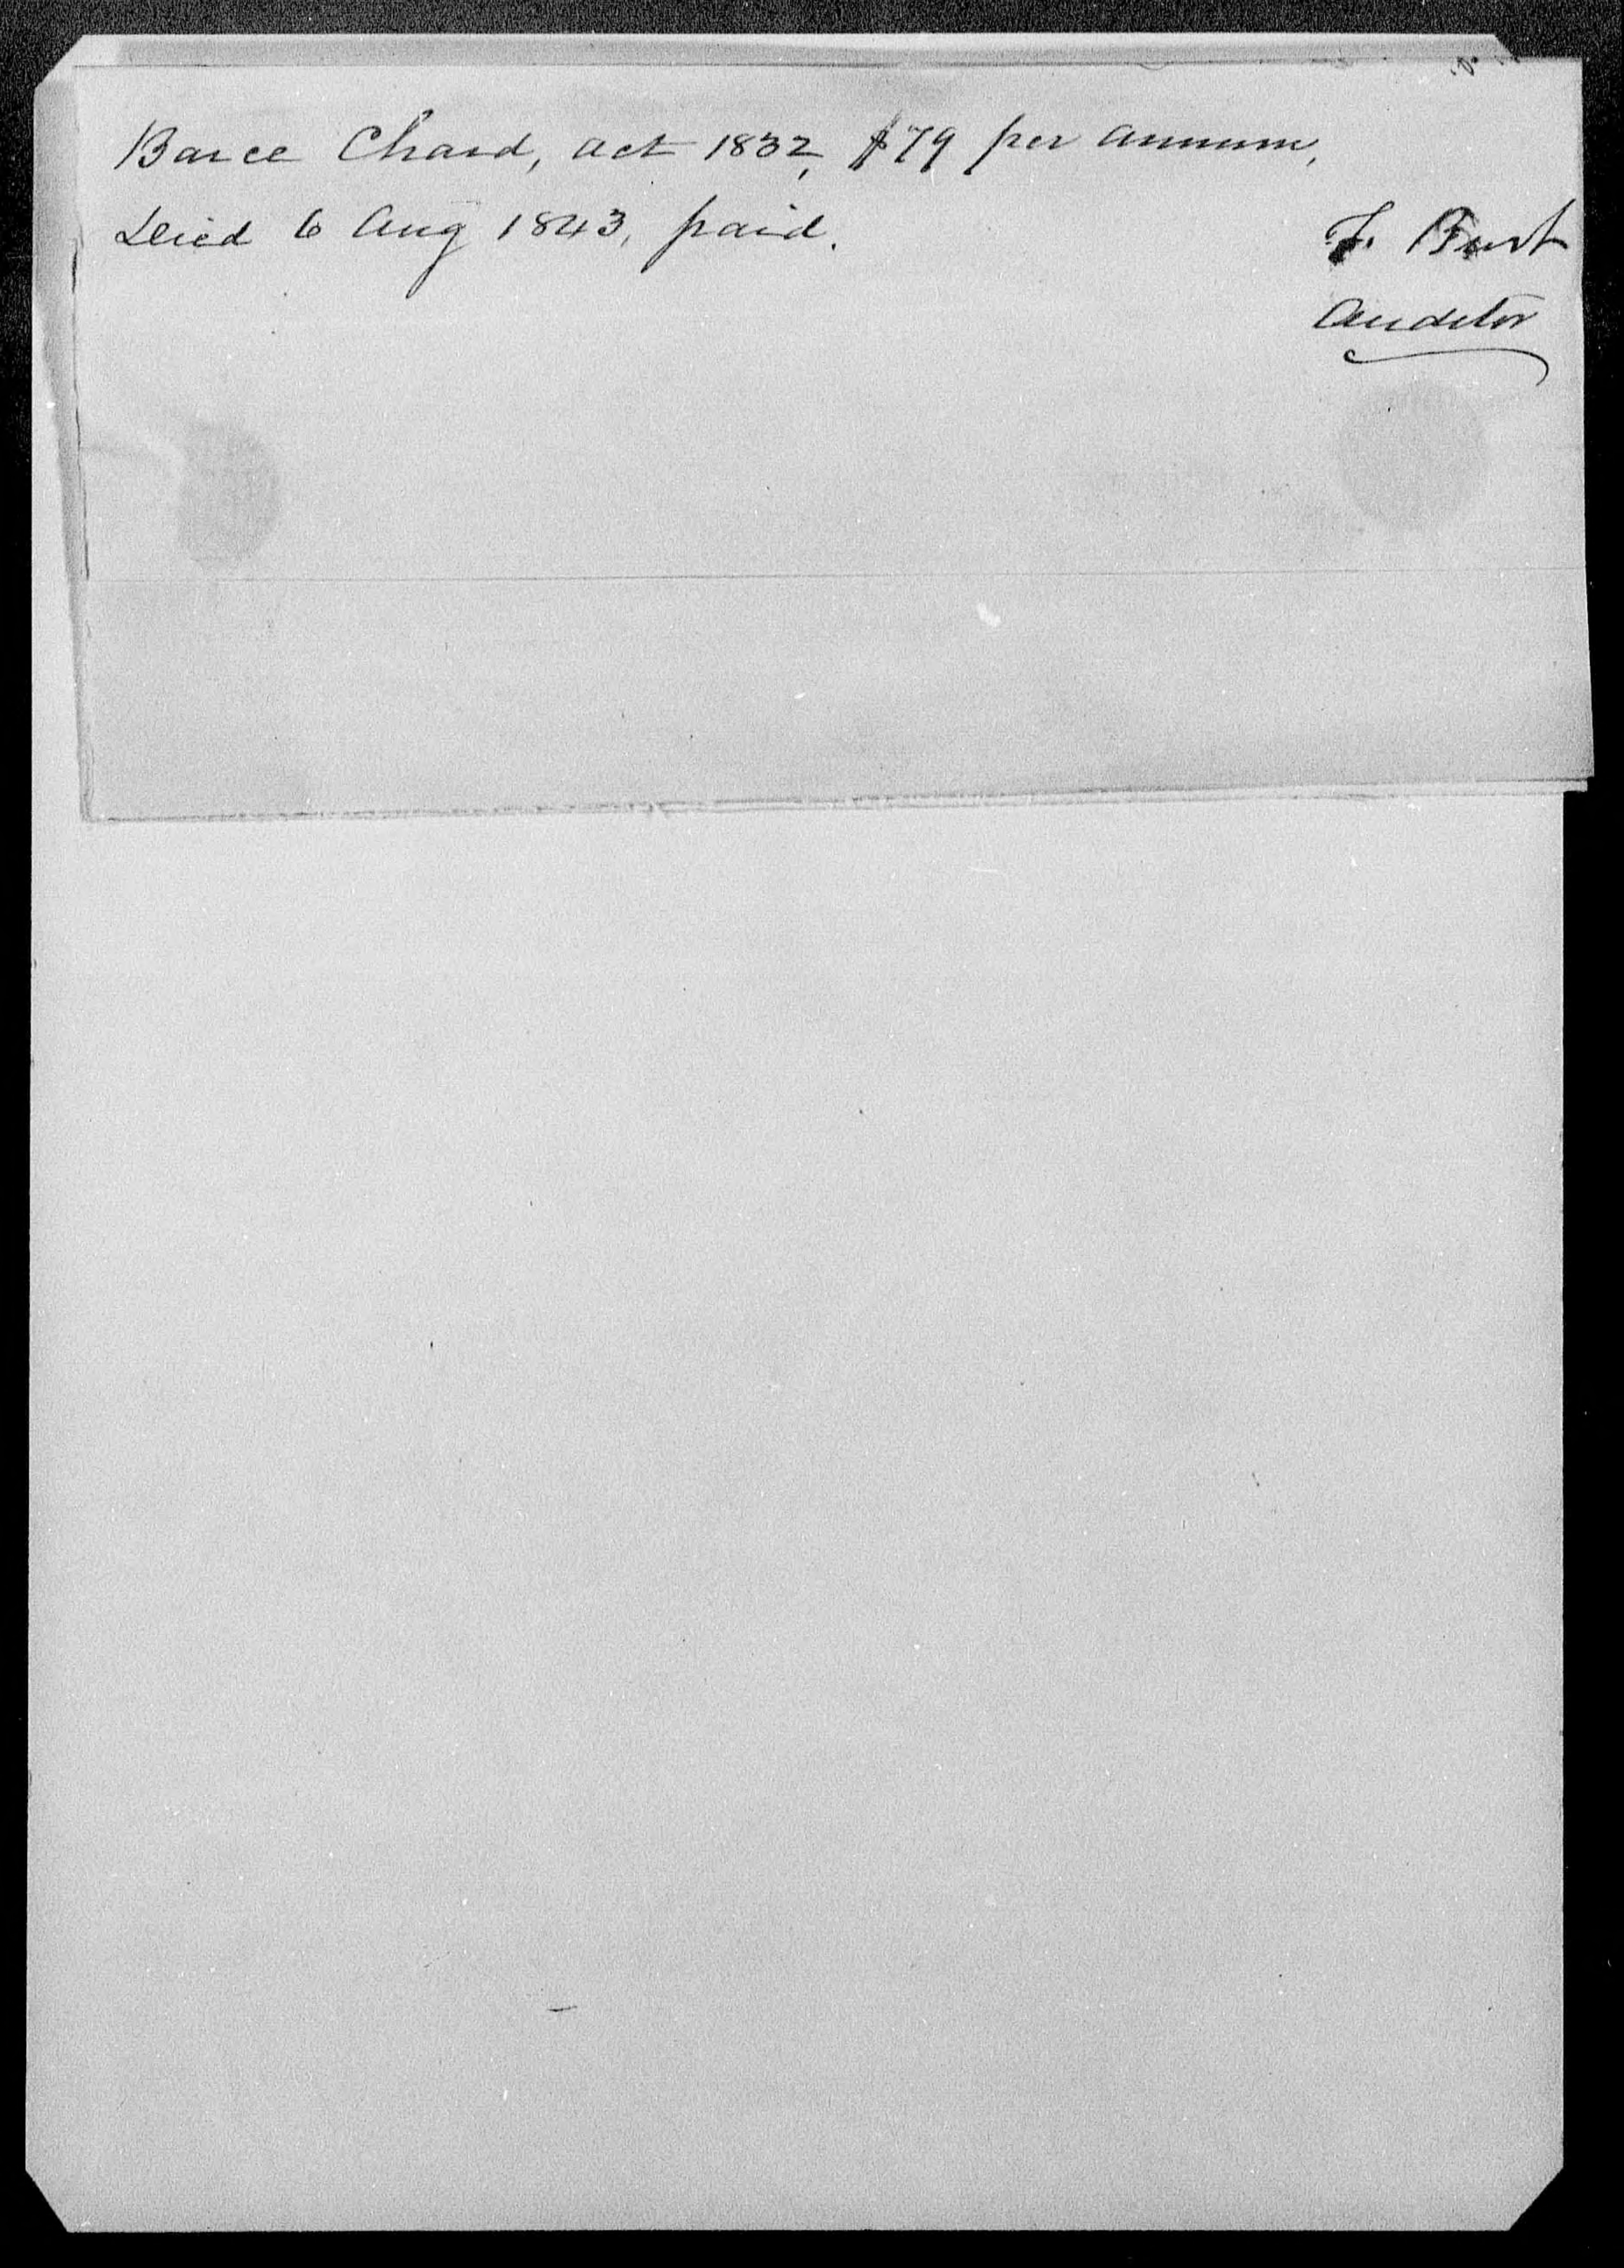Barce Chard, act 1832, $79 per annum,
Died 6 August 1843, paid.

[Signed] F. Burt
Auditor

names: F Burt, Barce Chard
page: 36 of 47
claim: widow's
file: W. 10,602, Barce Chard, New York.